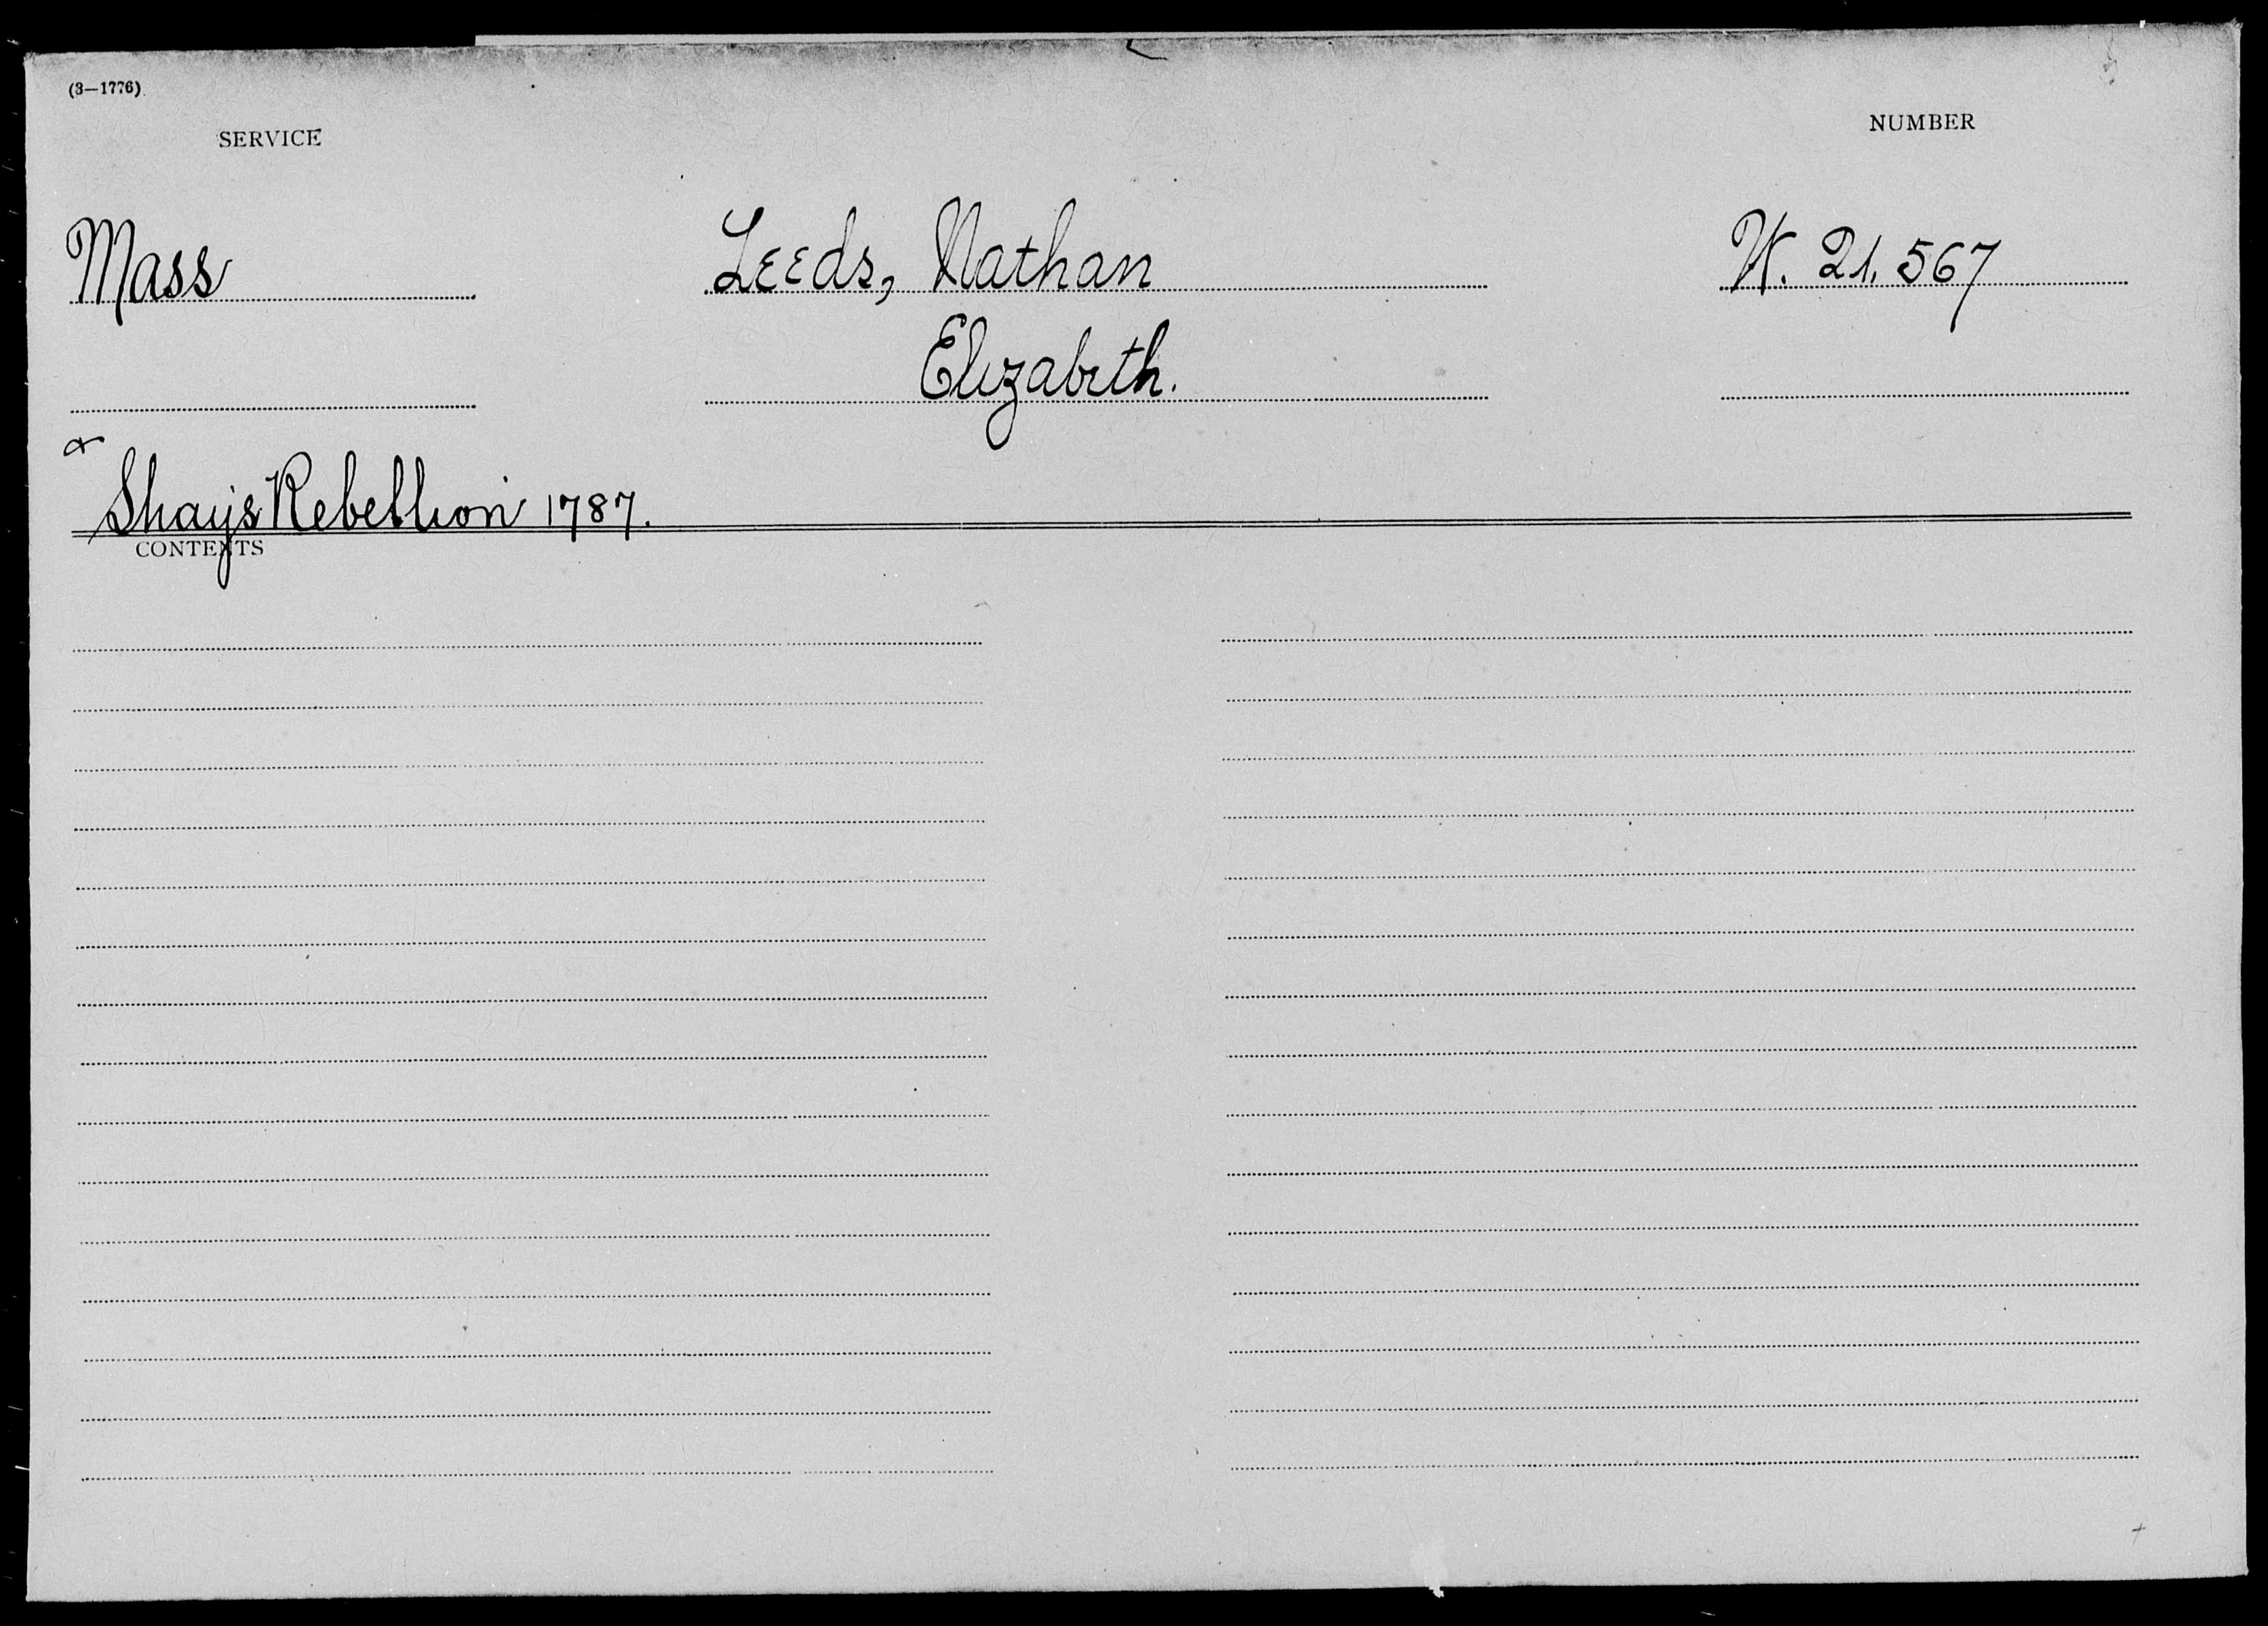(3-1776) NUMBER
SERVICE
Mass....Leeds, Nathan      W. 2[1?] 567
                       Elizabeth
Shay's Rebellion 1787
CONTENTS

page: 1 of 33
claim: widow's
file: W. 21,567, for Nathan Leeds, Massachusetts